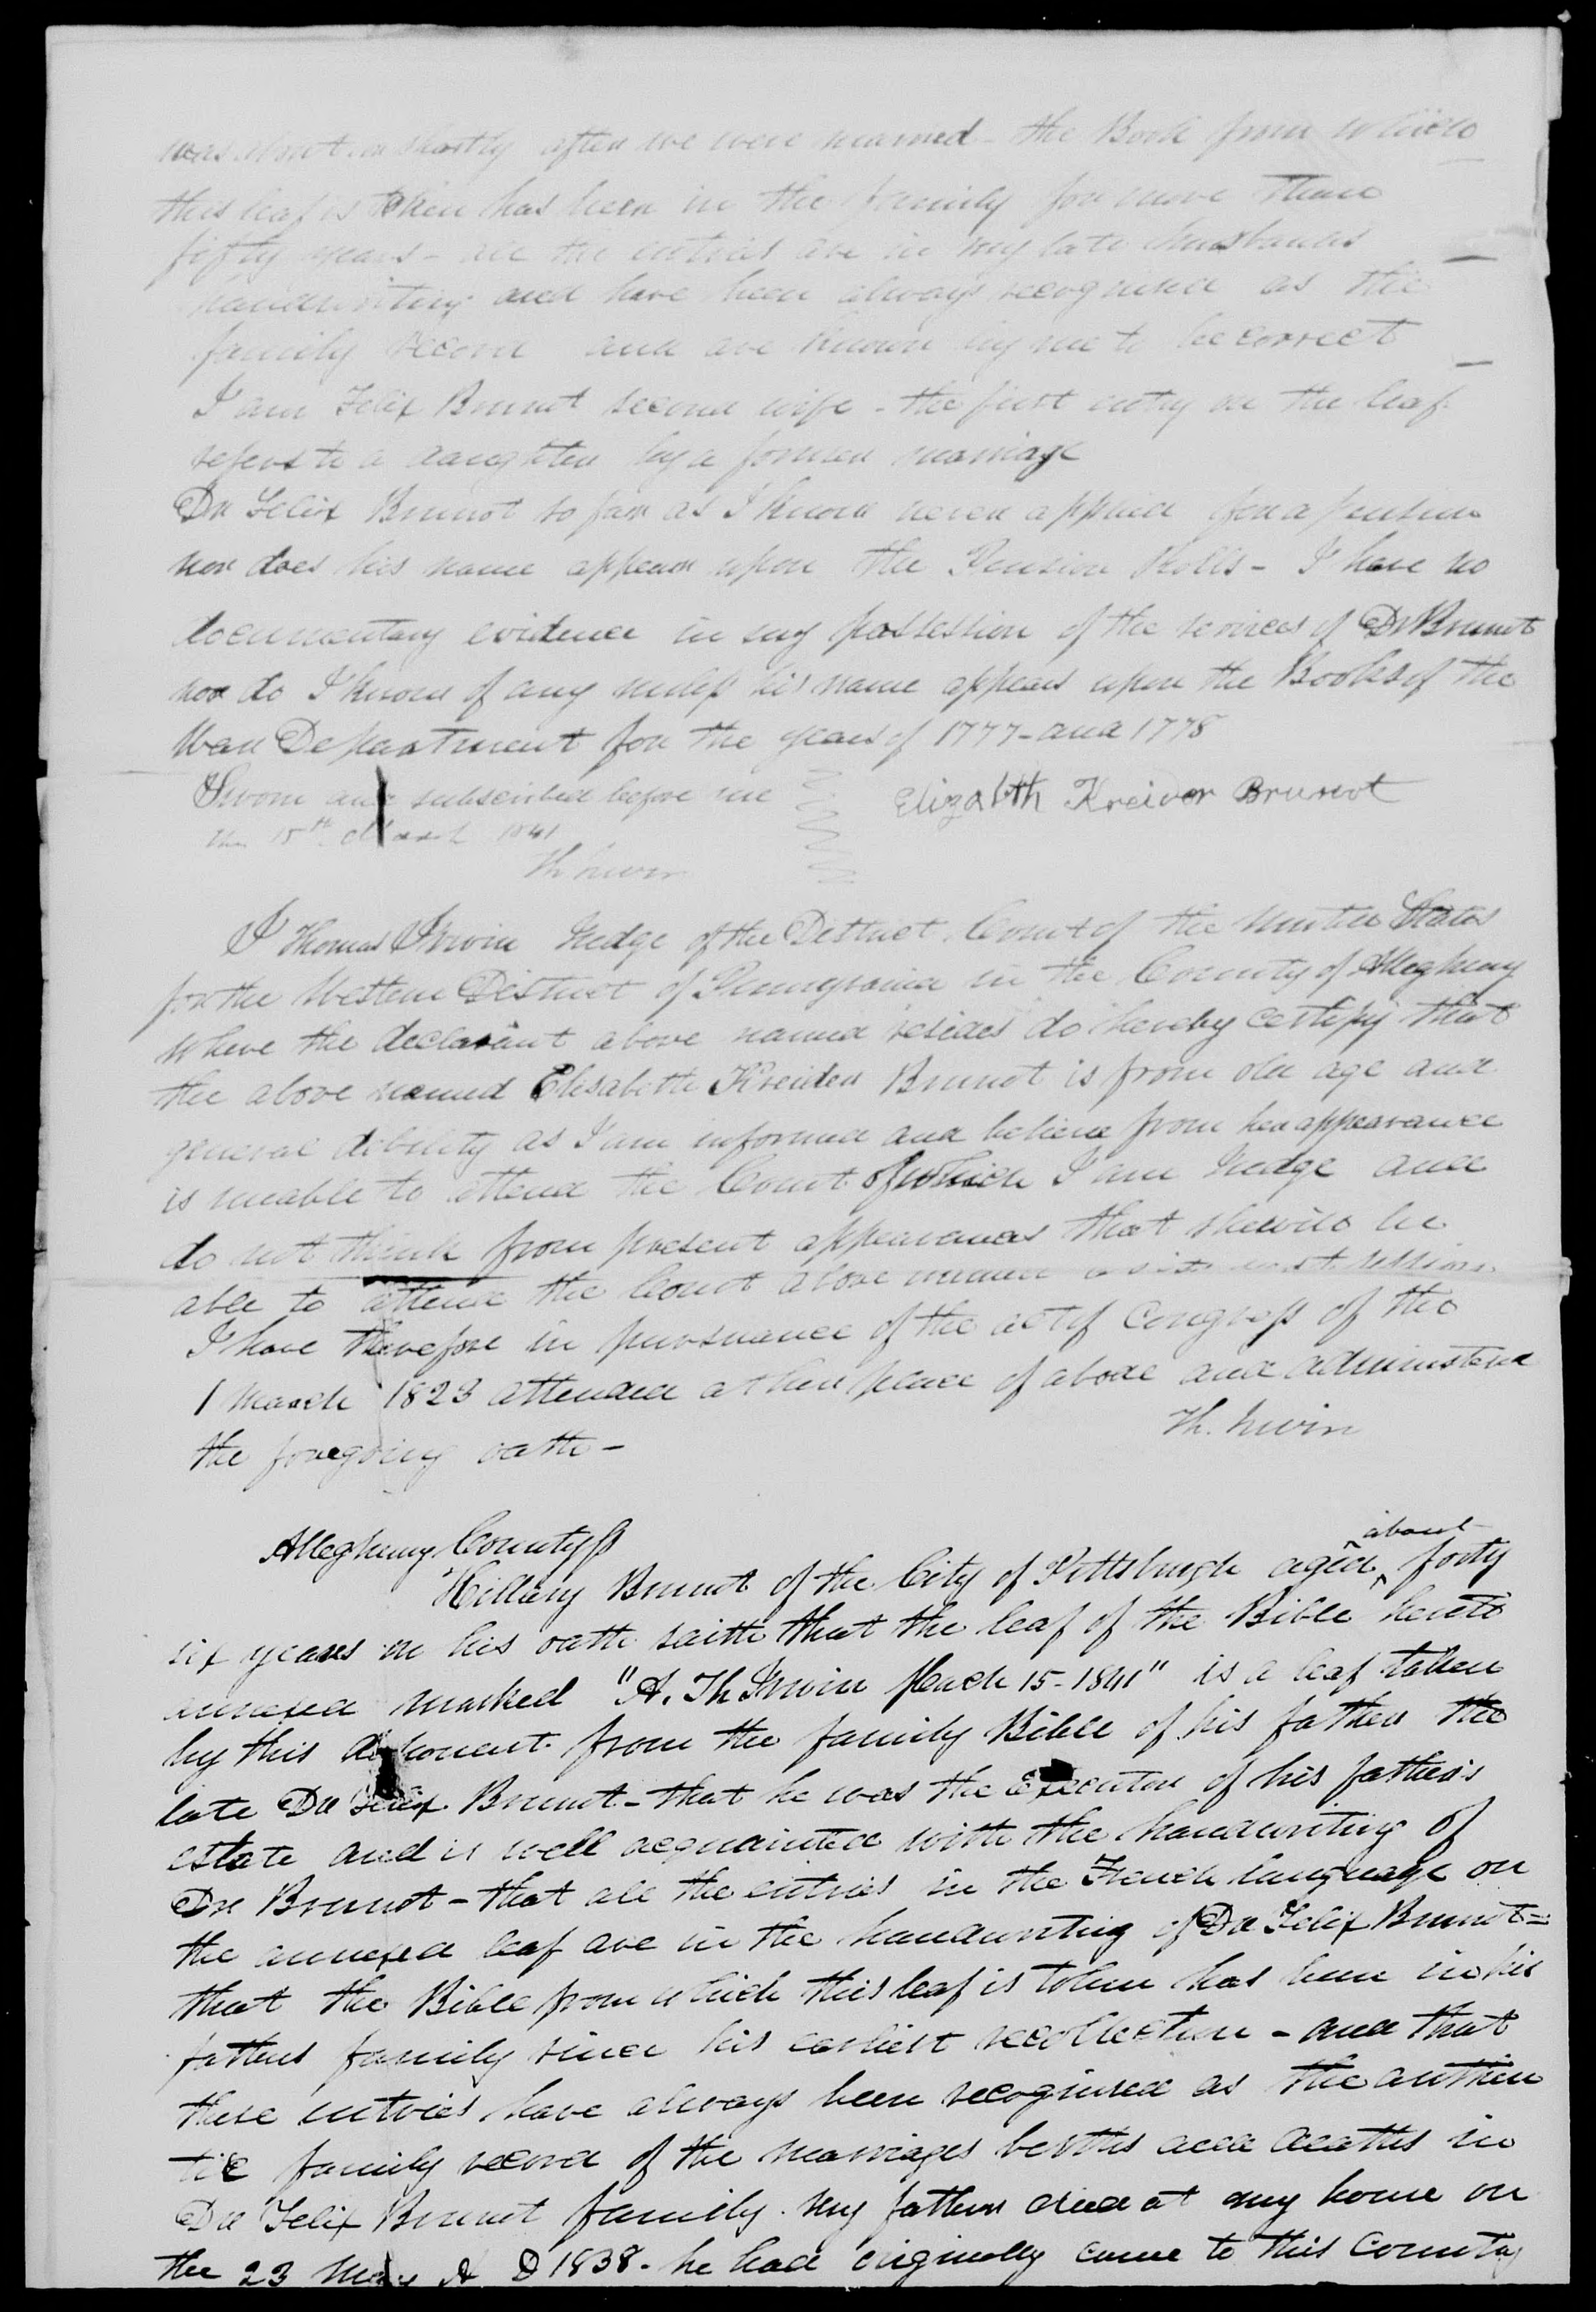Was written shortly after we were married – the Book from which
This leaf is taken had been in the family for more than
Fifty years. All the entries are in my late husband’s
Handwriting and have been always recognized as the
Family record and are known by all to be correct. 

I am Felix Brunot’s second wife – the first entry in the leaf
Refers to a daughter by a former marriage

Dr Felix Brunot so far as I know never applied for a [illeg]
Nor does his name appear the upon the pension rolls – I have no
Documentary evidence in my possession of the [illeg] of Dr Brunot
As to I know of any whereof his name appears w/in the Books of the
War Department for the years of 1777 and 1778.
Sworn and subscribed before me	Elizabeth Kreider Brunot
The 15th March 1841
[Name illeg]

I Thomas Irwin Judge of the District Court of the United States
For the Western District of Pennsylvania in the County of Allegheny
Where the declarant above named [illeg] do hereby certify that
The above named Elisabeth Kreider Brunot is from old age and
General disability as I am informed and believe from her appearance
Is unable to attend to Court of which I am Judge and
Do not think from present appearances that she will be
Able to attend the Court alone [illeg due to fold in paper]
I have therefore in pursuance of the Act of Congress of the
1 March 1823 attended t the place of above and administered
The foregoing oath –

Allegheny County PA
Hillary Brunot of the City of Pittsburgh aged about forty
Six years on his loath saith that the leaf of the Bible hereto
Accepted marked “A. [illeg] March 15, 1861” is a leaf taken
By this informant from the family Bible of his father the
Late Dr. Felix Brunot – that he was the Executor of his father’s 
estate and is well acquainted with the handwriting of
Dr Brunot, that all the entries in the French language on
The accepted leaf are in the handwriting of Dr. Felix Brunot
That the Bible from which the leaf is taken has been in his
Father’s family since his earliest recollection – and that
These entries have always been recognized as the authen-
Tic family record of the marriages births and deaths in
Dr Felix Brunot family. My father died at my house on
The 23 May A D 1838. He had originally come to this country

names: Brunot, Th Irwin, Brunot, Felix Brunot, Elizabeth Kreider Brunot, Elisabeth Kreider Brunot, Thomas Irwin, Felix Brunot, Felix Brunot, Felix Brunot, Felix Brunot, Th Irwin, Th Irwin, Hillary Brunot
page: 5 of 34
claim: rejected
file: R. 1371, Felix Brunot, Penn.